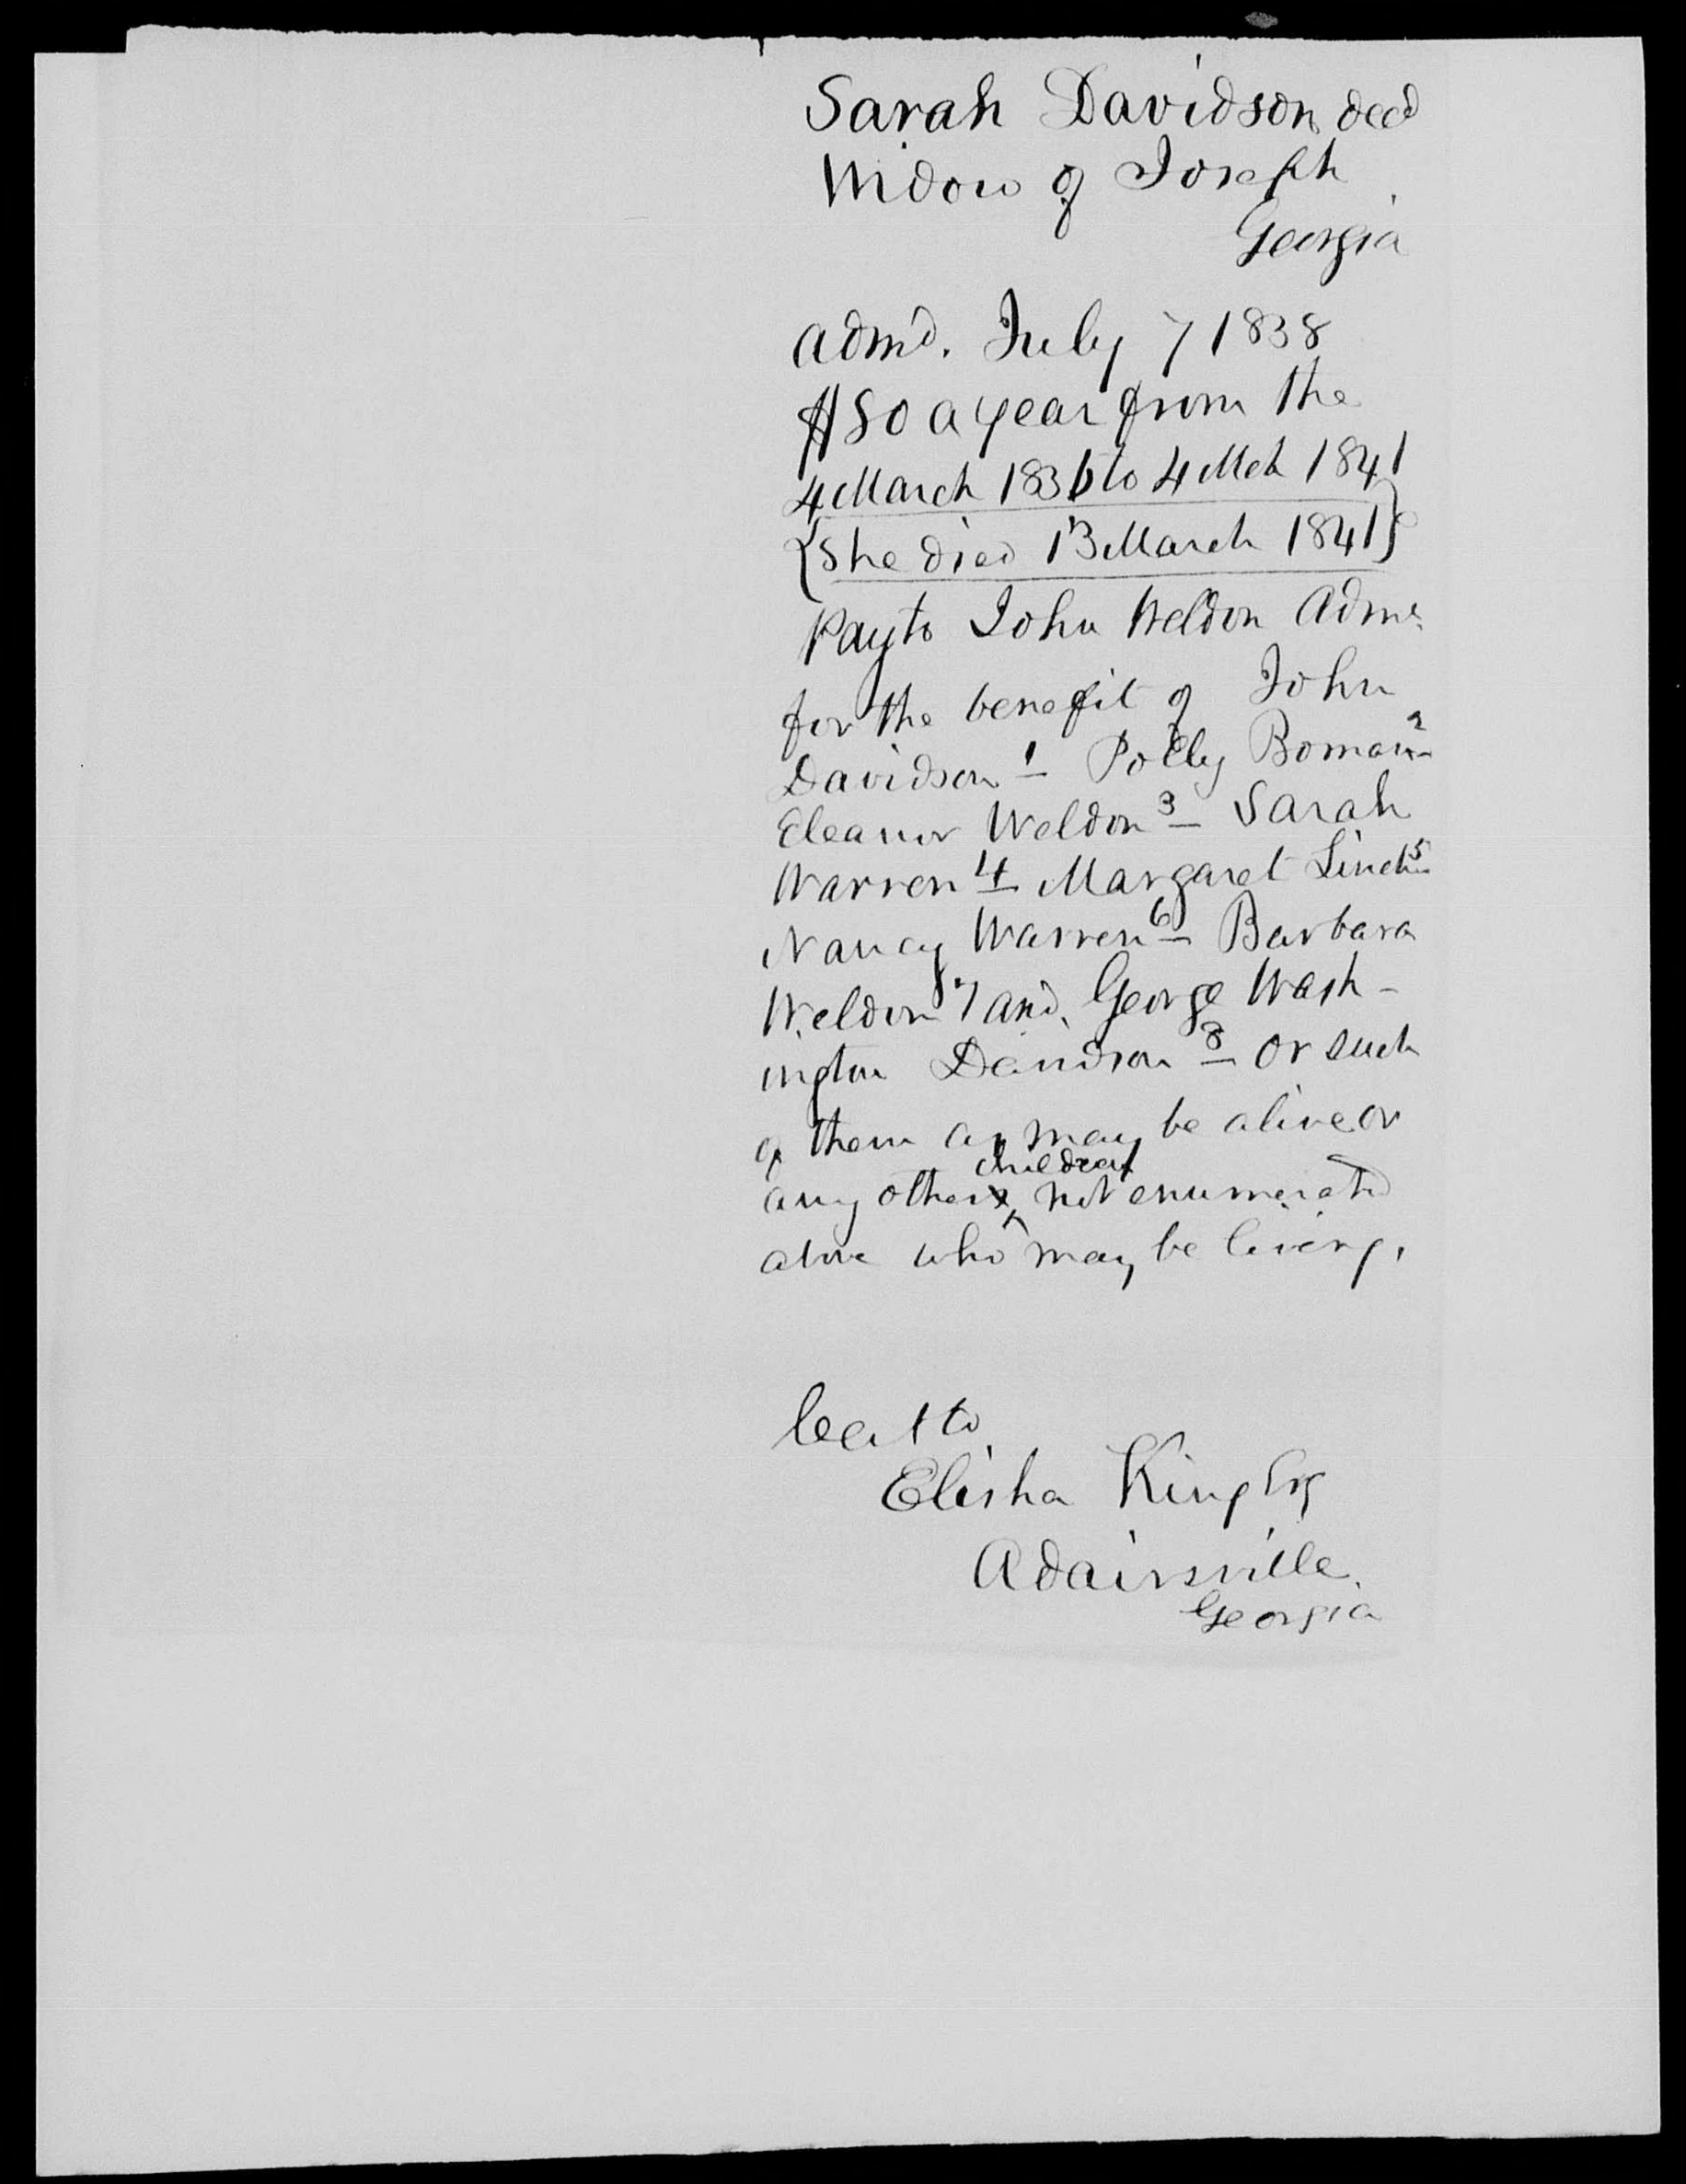Sarah Davidson decd
Widow of Joseph
Georgia
Admitted. July 7 1838
$80 a year from the
4 March 1836 to 4 March 1841
she died 13 March 1841
Pay to John Weldon Administrator
for the benefit of John
Davidson 1 Polly Boman 2
Eleanor Weldon 3 Sarah
Warren 4 Margaret Lynch 5
Nancy Warren 6 Barbara
Weldon 7 and George Washington
Davidson 8 or such of
them as may be alive or
any other children not enumerated
above who may be living,
Sent to
Elisha King Esquire
Adairsville
Georgia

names: Margaret Linch, Joseph Davidson, Elisha King, Barbara Weldon, John Weldon, Sarah Davidson, John Davidson, George Washington Davidson, Sarah Warren, Nancy Warren, Eleanor Weldon, Polly Boman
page: 51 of 63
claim: widow's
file: W. 4175, Joseph Davidson, N.C.